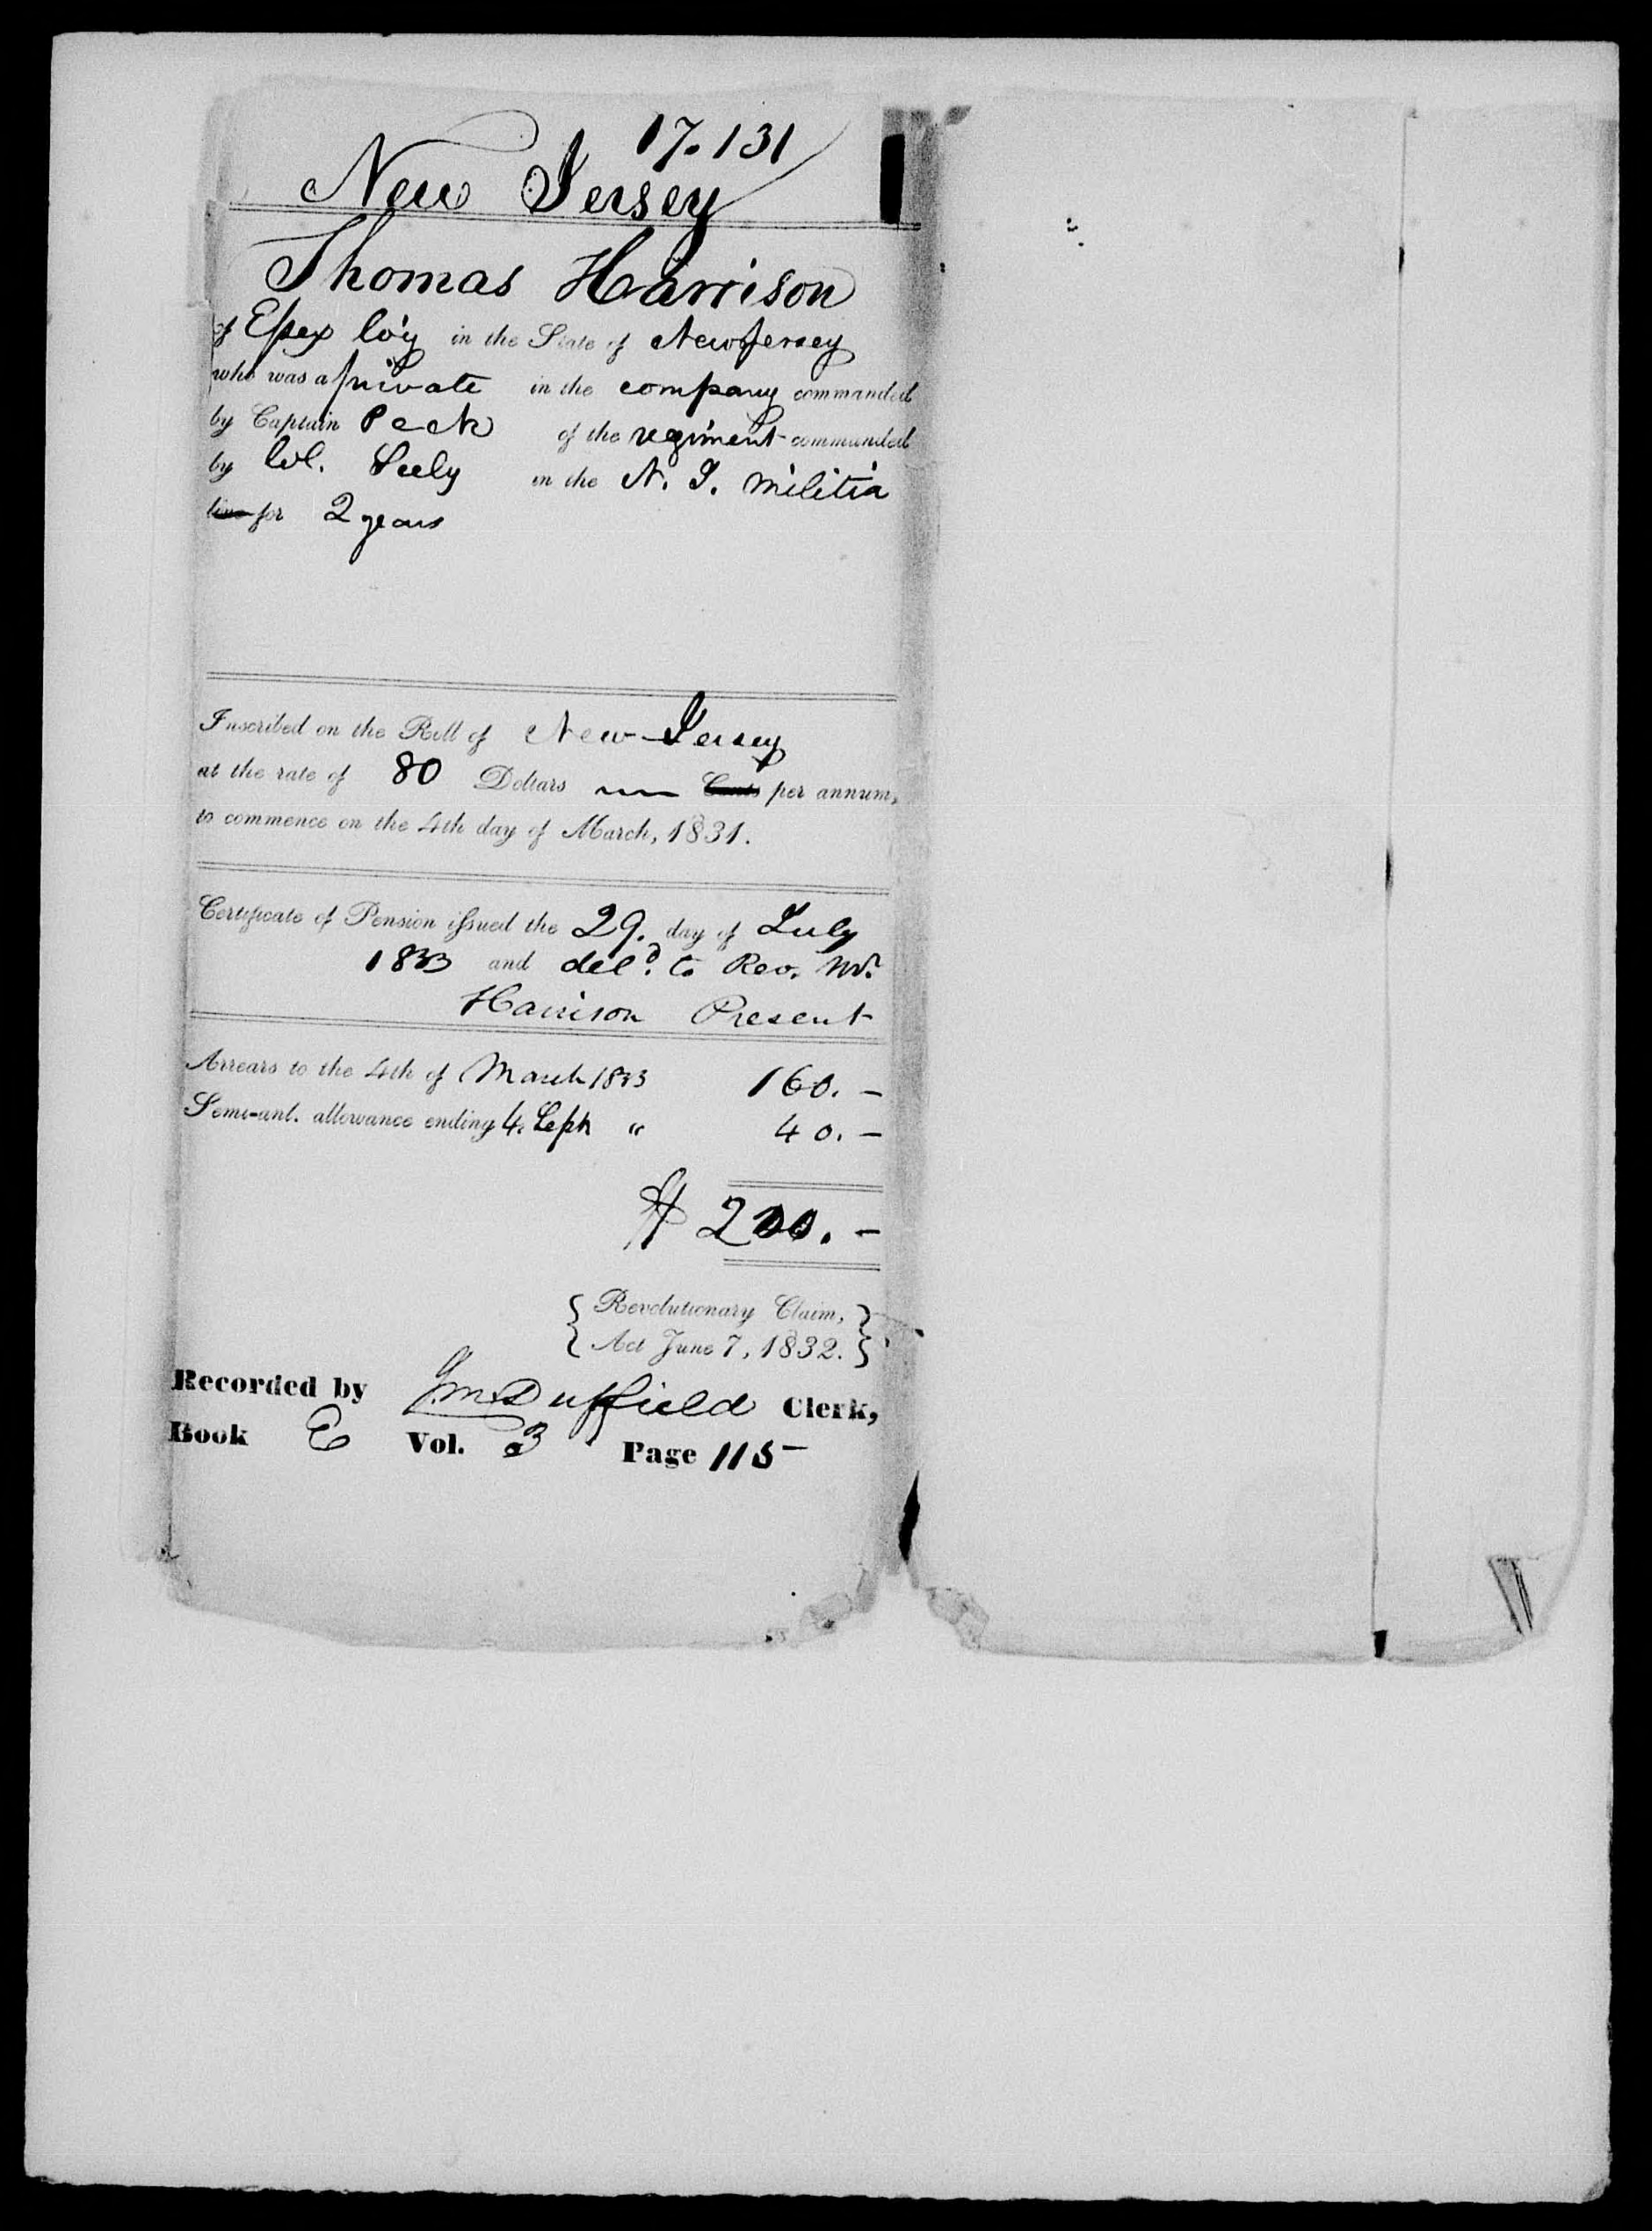17.131 [handwritten]
New Jersey [handwritten]
Thomas Harrison [handwritten]
of Essex Co'y [County] [handwritten] in the state of New Jersey  [handwritten]
who was a private [handwritten] in the company [handwritten] commanded
by Captain Peck [handwritten] of the regiment  [handwritten]commanded 
by Col. Seely [handwritten] in the N.J. militia line [handwritten]
for 2 years. [handwritten]

Inscribed on the Roll of New Jersey [handwritten]
at the rate of 80 [handwritten] Dollars ___ Cents per annum, to commence on the 4th day of March 1831.

Certificate of Pension issued the 29 [handwritten] day of July 1833 [handwritten] and del'd to Rev. Mn [handwritten]
 Harrison Present [handwritten]

Arrears to the 4th of March 1833 [handwritten]  160.- [handwritten]
Semi-anl. [semi-annual] allowance ending 4 Sept  [handwritten]   40.- [handwritten]
$ 200.- [handwritten]
{Revolutionary Claim, Act June 7, 1832}
Recorded by J M Duffield  [handwritten] clerk
Book E [handwritten], Vol.3 [handwritten]  Page 115 [handwritten]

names: Harrison, Thomas Harrison, Seely, J M Duffield, Peck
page: 2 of 15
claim: survivor's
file: S. 883, Thomas Harrison, New Jersey